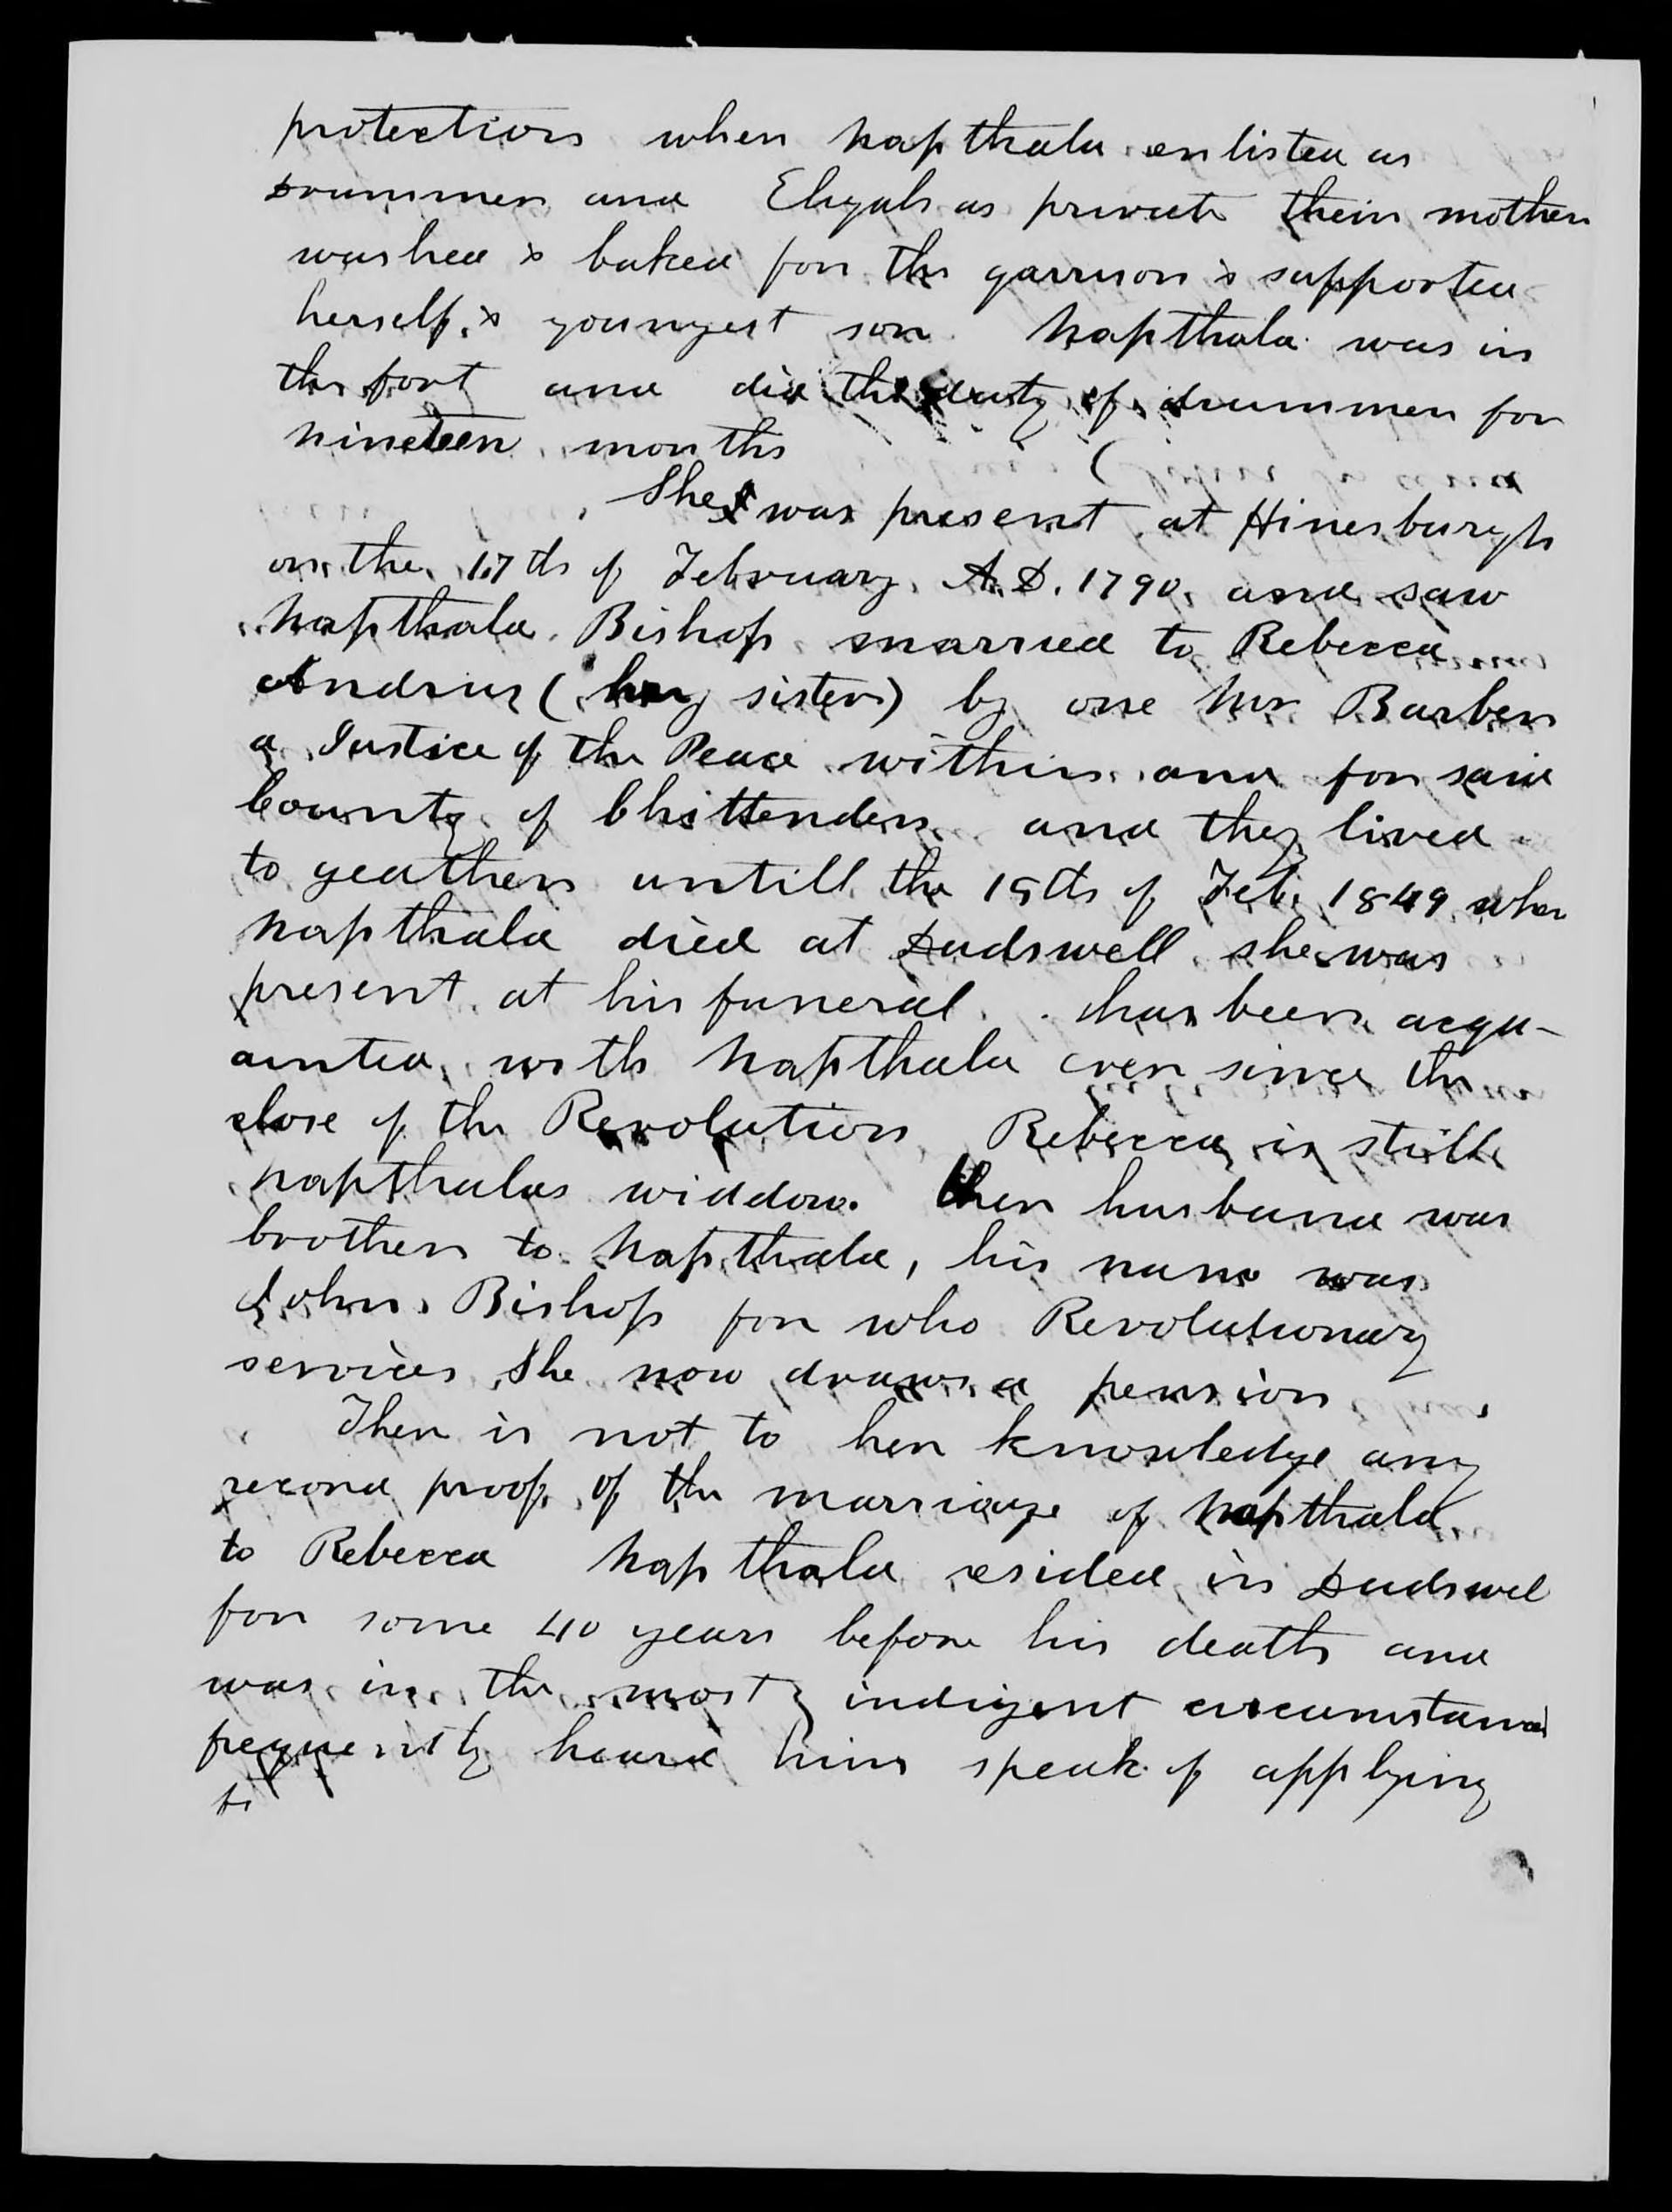protection when Napthala enlisted as drummer and Elijah as private their mother washed & baked for the garrisons &  supported herself & youngest son.  Napthala was in the fort and did the duty of drummer for nineteen months.
She was present at Hinesburgh on the 17th of February, A.D. 1790, and saw Napthala Bishop married to Rebecca Andruss (her sister) by one Mr Barber a Justice of the Peace within and for said County of Chittenden and they lived together  until the 15th of Feb. 1849 when Napthala died at Dudswell she was present at his funeral, has been acquainted with Napthala ever since the close of the Revolution.  Rebecca is still Napthalas widdow.  Her husband was brother to Napthala, his name was John Bishop for who Revolutionary services she now draws a pension.  There is not to her knowledge any record proof of the marriage of Napthala to Rebecca.  Napthala resided in Dudswell for some 40 years before his death and was in the most indigent circumstances frequently heard him speak of applying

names: Barber, Rebecca Andrus, John Bishop, Napthala, Eliyah, Rebecca, Napthala, Napthala, Stille, Napthala Bishop, Garrison, Napthala, Napthala, Napthala, Rebecca, Napthala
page: 6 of 27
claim: rejected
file: R. 865, Napthala Bishop, Vt.